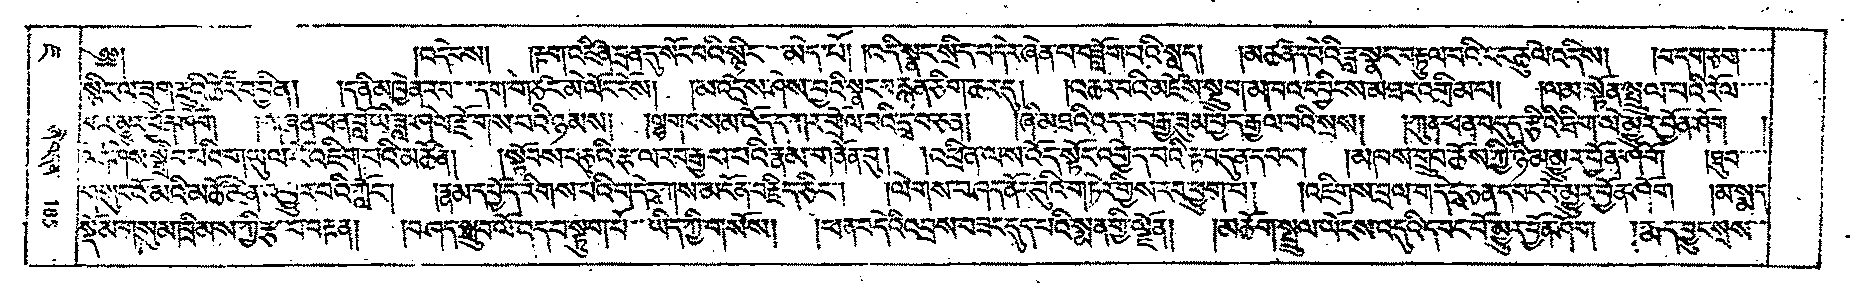༄༅། །འདེབས། །རྟག་འཛིན་བྲན་དུ་སོང་བའི་སྙིང་མེད་པོ། །འདི་སྣང་སྲིད་བདེར་ཞེན་པ་བཟློག་པའི་སླད། །མཚན་དཔེའི་ཟླ་སྣང་བརྟུལ་བའི་ངང་ཚུལ་འདིས། །བདག་
སྙིང་ལ་ཟུག་རྔུའི་ཚོར་བ་བྱིན། །ད་ནི་མཁྱེན་རབ་དག་གཙང་མེ་ལོང་ངོས། །མ་འདྲེས་ཤེས་བྱའི་སྣང་བརྙན་ཅིག་ཆར་དུ། །འཆར་བའི་མཛེས་སྡུག་མཁའ་དབྱིངས་མཐར་འགྲིམ་པ། །ལམ་སྟོན་སྤྲུལ་པའི་རོལ་
གར་མྱུར་བྱོན་ཤོག །གཞན་ཕན་བློ་ཡི་ཟླ་ཤེལ་རྫོགས་པའི་ཉམས། །ལྷག་བསམ་འོད་དཀར་གྲོལ་བའི་དྲྭ་བ་ཅན། །ཞི་མཐའི་འདབ་བརྒྱ་ཟུམ་བྱེད་རྒྱལ་བའི་སྲས། །ཀུན་ཕན་བདུད་རྩིའི་ཐིག་ལེ་མྱུར་བྱོན་ཤོག །
ཉོན་ཤེས་སྒྲིབ་པའི་གཡུལ་ངོ་འཇིག་པའི་མཚོན། །སྟོབས་བཅུའི་རྩ་ལ་རབ་རྒྱས་པའི་རྣམ་གནོན་བུ། །འཕྲིན་ལས་འོད་སྟོང་འགྱེད་པའི་རྟ་བདུན་དབང་། །མཁས་གྲུབ་ཆོས་ཀྱི་ཉི་མ་མྱུར་བྱོན་ཤོག །ཐུབ་
གསུང་འོ་མའི་མཚོ་ཆེན་འཕྱུར་བའི་ཀློང་། །རྣམ་དཔྱོད་རིགས་པའི་གདེངས་ཀས་མངོན་བརྗིད་ཅིང་། །ལེགས་བཤད་ནོར་བུའི་གཏེར་གྱིས་རབ་ཕྱུག་པ། །འཇིགས་བྲལ་གདེངས་ཅན་དབང་པོ་མྱུར་བྱོན་ཤོག །མ་སྨད་
སྡོམ་གསུམ་ཁྲིམས་ཀྱི་རྩ་བ་བརྟན། །བཤད་སྒྲུབ་ལོ་འདབ་སྟུག་པོ་ཡིད་ཀྱི་གསོས། །ཕན་བདེའི་འབྲས་བཟང་དུད་པའི་སྨན་གྱི་ལྗོན། །མཆོག་སྤྲུལ་ཡོངས་འདུའི་དབང་པོ་མྱུར་བྱོན་ཤོག །རྨད་བྱུང་སྲས་